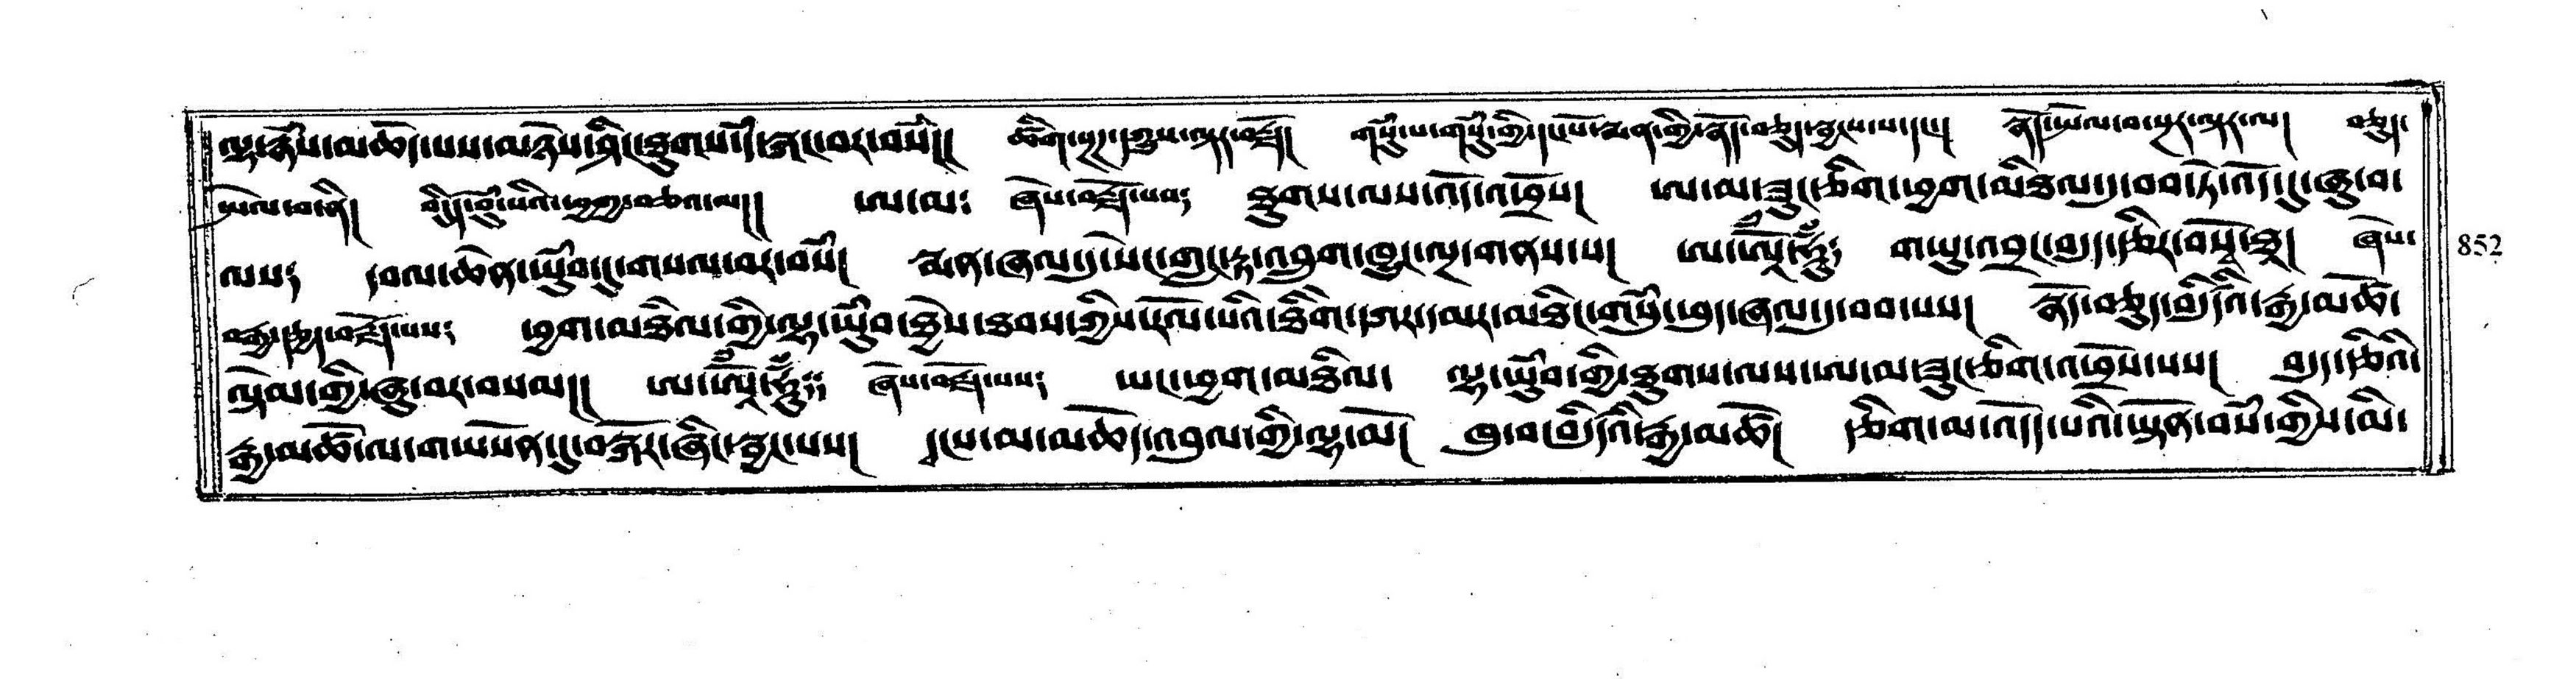ལྷ་རྣམས་མཆོད་པས་མཉེས་ཤིང་ཐུགས་དམ་བསྐང་བར་བསམ།། ཚིག་སྔགས་དཀྱུས་ལྟར་བརྗོད། གསུམ་པ་གསུམ་གྱི་དང་པོ་སྨན་གྱི་སྣོད་བཅུད་སྦྱངས་པ་དང་། སྣོད་སྤེལ་བ་སྔར་ལྟར་ལ། བཅུད་
སྤེལ་བ་ནི། བདུད་རྩི་བུམ་པའི་ཕྱག་རྒྱ་བཅའ་ལ།། ཨ་མ་ཞེས་བརྗོད་པས་ཐུགས་ལས་འོད་འཕྲོས། ཨ་མ་ཟུང་ཅིག་ཕྱག་མཐིལ་དུ་བབ་ཏེ་འོད་དུ་ཞུ་བ་
ལས། དབལ་ཆེན་ཡབ་ཡུམ་དུ་གསལ་བར་བསམ། སྨན་ཞལ་དུ་སེང་གླང་རྟ་འབྲུག་ཁྱུང་ལྔ་གནས་པ། ཨ་ཨཱོཾ་ཧཱུྃ། གཡུ་འབྲང་བདུད་རྩིར་བསྭོ་ཐཱ། ཞེས་
བརྒྱ་རྩ་བརྒྱད་བརྗོད་པས་ཕྱག་མཐིལ་གྱི་ལྷ་ཡབ་ཡུམ་ཐུགས་རྗེས་ཐབས་ཀྱིས་རོལ་པའི་ཐིག་ལེ་དཀར་དམར་མཐིང་གསུམ་ཕུད་ཞལ་དུ་བབ་པས། སྣོད་བཅུད་བདུད་རྩིའི་རྒྱ་མཚོ་
ལྡེམ་གྱི་ཞུ་བར་བསམ།། ཨ་ཨཱོཾ་ཧཱུྃ།། ཞེས་བརྗོད་པས། ཡང་ཕྱག་མཐིལ། ལྷ་ཡབ་ཡུམ་གྱི་ཐུགས་ལས་ཨ་མ་ཟུང་ཅིག་འཕྲོས་པས། བདུད་རྩིའི་
རྒྱ་མཚོ་ལ་གཡས་གཡོན་དུ་བསྐོར་ཞིང་སྦྱང་པས། དྭངས་མ་མཆོད་འབུལ་གྱི་ལྷ་མོ། ཁུ་བ་བདུད་རྩིའི་རྒྱ་མཚོ། རྩིག་མ་འདོད་པའི་ཡོན་ཏན་བསམ་གྱིས་མི་